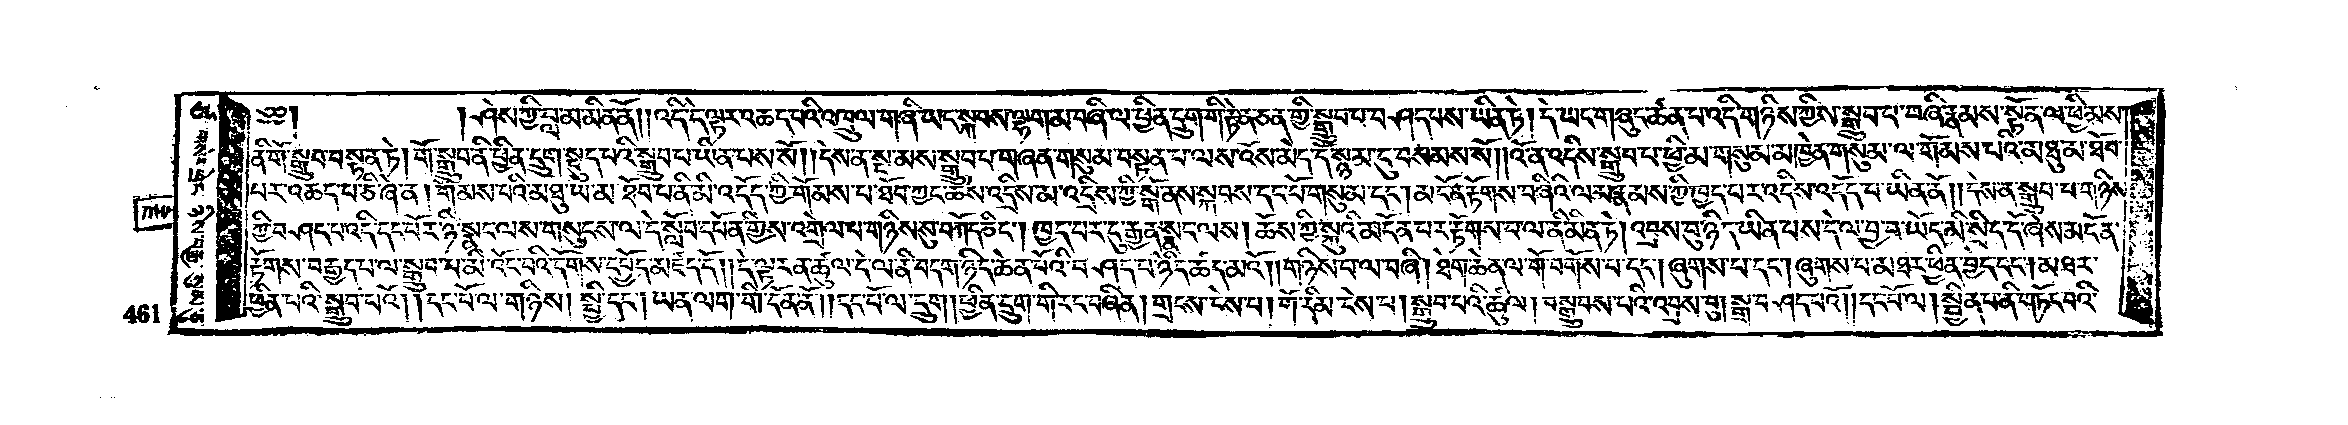༄༅། །ཤེས་ཀྱི་བླ་མ་མིན་ནོ། །འདི་དེ་ལྟར་འཆད་པའི་འཁྲུལ་གཞི་ཡང་སྐབས་ལྷག་མ་བཞི་ལ་ཕྱིན་དྲུག་གི་རྟེན་ཅན་གྱི་སྒྲུབ་པ་བཤད་པས་ཡིན་ཏེ། དེ་ཡང་གཞུང་ཚན་པ་འདི་གཉིས་ཀྱིས་སྒྲུབ་པ་བཞི་རྣམས་སྟོན་ལ་ཕྱི་མས་
ནི་གོ་སྒྲུབ་བསྟན་ཏེ། གོ་སྒྲུབ་ནི་ཕྱིན་དྲུག་སྡུད་པའི་སྒྲུབ་པ་ཡིན་པས་སོ། །དེས་ན་སྔ་མས་སྒྲུབ་པ་གཞན་གསུམ་བསྟན་པ་ལས་འོས་མེད་དོ་སྙམ་དུ་བསམས་སོ། །འོ་ན་འདིས་སྒྲུབ་པ་ཕྱི་མ་གསུམ་མཁྱེན་གསུམ་ལ་གོམས་པའི་མཐུ་མ་ཐོབ་
པར་འཆད་པ་ཅི་ཞེ་ན། གོམས་པའི་མཐུ་ཡེ་མ་ཐོབ་པ་ནི་མི་འདོད་ཀྱི་གོམས་པ་ཐོབ་ཀྱང་ཆོས་འདྲིས་མ་འདྲིས་ཀྱི་སྒོ་ནས་སྐབས་དང་པོ་གསུམ་དང་། མངོན་རྟོགས་བཞིའི་ལམ་རྣམས་ཀྱི་ཁྱད་པར་འདིས་འདོད་པ་ཡིན་ནོ། །དེས་ན་སྒྲུབ་པ་གཉིས་
ཀྱི་བཤད་པ་འདི་དང་པོར་ཉི་སྣང་ལས་གསུངས་ལ་དེ་སློབ་དཔོན་གྱིས་འགྲེལ་པ་གཉིས་སུ་བཀོད་ཅིང་། ཁྱད་པར་དུ་རྒྱན་སྣང་ལས། ཆོས་ཀྱི་སྐུའི་མངོན་པར་རྟོགས་པ་ལ་ནི་མིན་ཏེ། འབྲས་བུ་ཉིད་ཡིན་པས་དེ་ལ་བྱ་བ་ཡོད་མི་སྲིད་དོ་ཞེས་མངོན་
རྟོགས་བརྒྱད་པ་ལ་སྒྲུབ་པ་མི་འོང་བའི་དོགས་དཔྱོད་མཛད་དོ། །དེ་ལྟར་ན་ཚུལ་དེ་ལ་ནི་བདག་ཉིད་ཆེན་པོའི་བཤད་པ་ཉིད་ཚད་མའོ། །གཉིས་པ་ལ་བཞི། ཐེག་ཆེན་ལ་གོ་བགོས་པ་དང་། ཞུགས་པ་དང་། ཞུགས་པ་མཐར་ཕྱིན་བྱེད་དང་། མཐར་
ཕྱིན་པའི་སྒྲུབ་པའོ། །དང་པོ་ལ་གཉིས། སྤྱི་དང་། ཡན་ལག་གི་དོན་ནོ། །དང་པོ་ལ་དྲུག །ཕྱིན་དྲུག་གི་རང་བཞིན། གྲངས་ངེས་པ། གོ་རིམ་ངེས་པ། སྒྲུབ་པའི་ཚུལ། བསྒྲུབས་པའི་འབྲས་བུ། སྒྲ་བཤད་པའོ། །དང་པོ་ལ། སྦྱིན་པ་ནི་གཏོང་བའི་